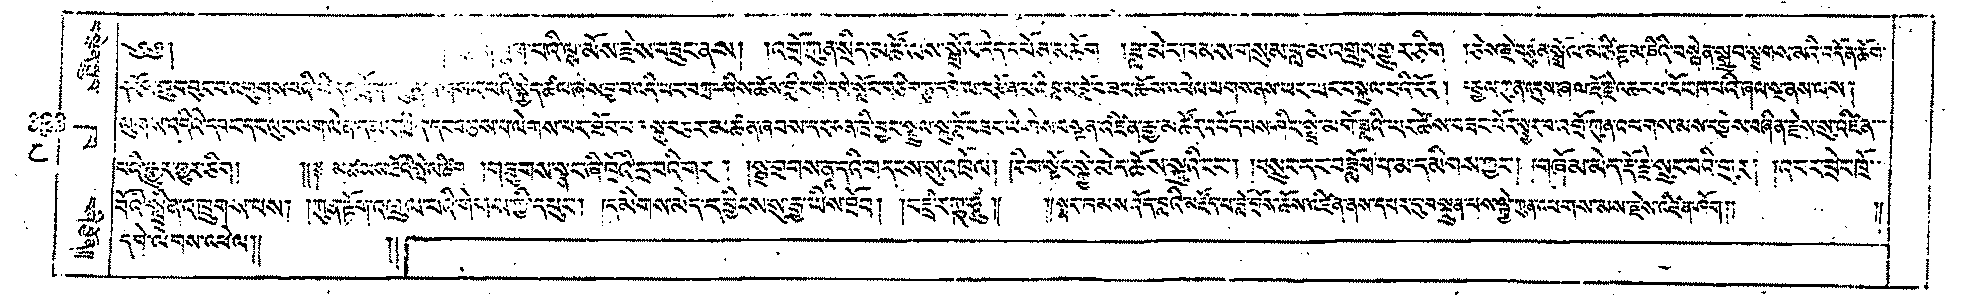༄༅། །མཆོག་ལྷག་པའི་ལྷ་མོས་རྗེས་བཟུང་ནས། །འགྲོ་ཀུན་སྲིད་མཚོ་ལས་སྒྲོལ་དེད་དཔོན་མཆོག །ཟླ་མེད་ཁམས་གསུམ་བླ་མ་འགྲུབ་གྱུར་ཅིག །ཅེས་རྗེ་བཙུན་སྒྲོལ་མ་ཙིཏྟ་མ་ཎིའི་བསྙེན་སྒྲུབ་སྦྲགས་མའི་འདོན་ཆོག་
དངོས་གྲུབ་བུང་བ་འགུགས་པའི་ཡིད་འཕྲོག་ཨུཏྤལ་གསར་པའི་སྐྱེད་ཚལ་ཞེས་བྱ་བ་འདི་ཡང་བཀྲ་ཤིས་ཆོས་གླིང་གི་དགེ་སློང་གཅིག་ཏུ་དགེ་ལ་བརྩོན་པའི་བླ་མ་བློ་བཟང་ཆོས་འཕེལ་ལགས་ནས་ཡང་ཡང་བསྐུལ་བའི་དོར། ༧་རྒྱལ་ཀུན་འདུས་ཞལ་རྡོ་རྗེ་འཆང་ཕ་བོང་ཁ་པའི་ཞལ་སྔ་ནས་ལས།
ལུགས་འདིའི་དབང་དང་ལུང་ལག་ལེན་དམར་ཁྲིད་དང་བཅས་པ་ལེགས་པར་ཐོབ་པ ༧་སྐུ་བཅར་མཚན་ཞབས་དར་ཧན་ཁྲི་བྱང་སྤྲུལ་སྐུ་བློ་བཟང་ཡེ་ཤེས་བསྟན་འཛིན་རྒྱ་མཚོར་འབོད་པས་ཤིང་སྤྲེ་མགོ་ཟླའི་ཡར་ཚེས་བཟང་པོར་སྦྱར་བ་འགྲོ་ཀུན་འཕགས་མས་དགྱེས་བཞིན་རྗེས་སུ་འཛིན་་་
པའི་རྒྱུར་གྱུར་ཅིག། །།འ་མཚམས་ཐོའི་སྤེལ་ཚིག་།གཟུགས་སྣང་ཞི་ཁྲོའི་དྲ་བའི་གར། །སྒྲ་གྲགས་ནཱ་དའི་གདངས་སུ་འཁྲོལ། །རིག་སྟོང་སྐྱེ་མེད་ཆོས་སྐུའི་ངང་། །བསྲུང་དང་བཟློག་པ་མ་དམིགས་ཀྱང་། །གཞོམ་མེད་རྡོ་རྗེ་སྲུང་བའི་གུར། །འབར་ཕྲེང་ཁྲོ་་་
བོའི་སྤྲིན་འཁྲུགས་པས། །ཀུན་རྟོག་འཁྲུལ་པའི་གེགས་ཀྱི་དཔུང་། །དམིགས་མེད་དབྱིངས་སུ་རྒྱ་ཡིས་ཐོབ། །བཛྲ་རཀྵ་ཧཱུཾ།། །།སྨར་ཁམས་འོད་བླའི་མཛོད་པ་བློ་གྲོས་ཆོས་འཛིན་ནས་དཔར་དུ་བསྐྲུན་པས་སྐྱེ་ཀུན་འཕགས་མས་རྗེས་འཛིན་ཤོག།།  །
དགེ་ལེགས་འཕེལ།། །